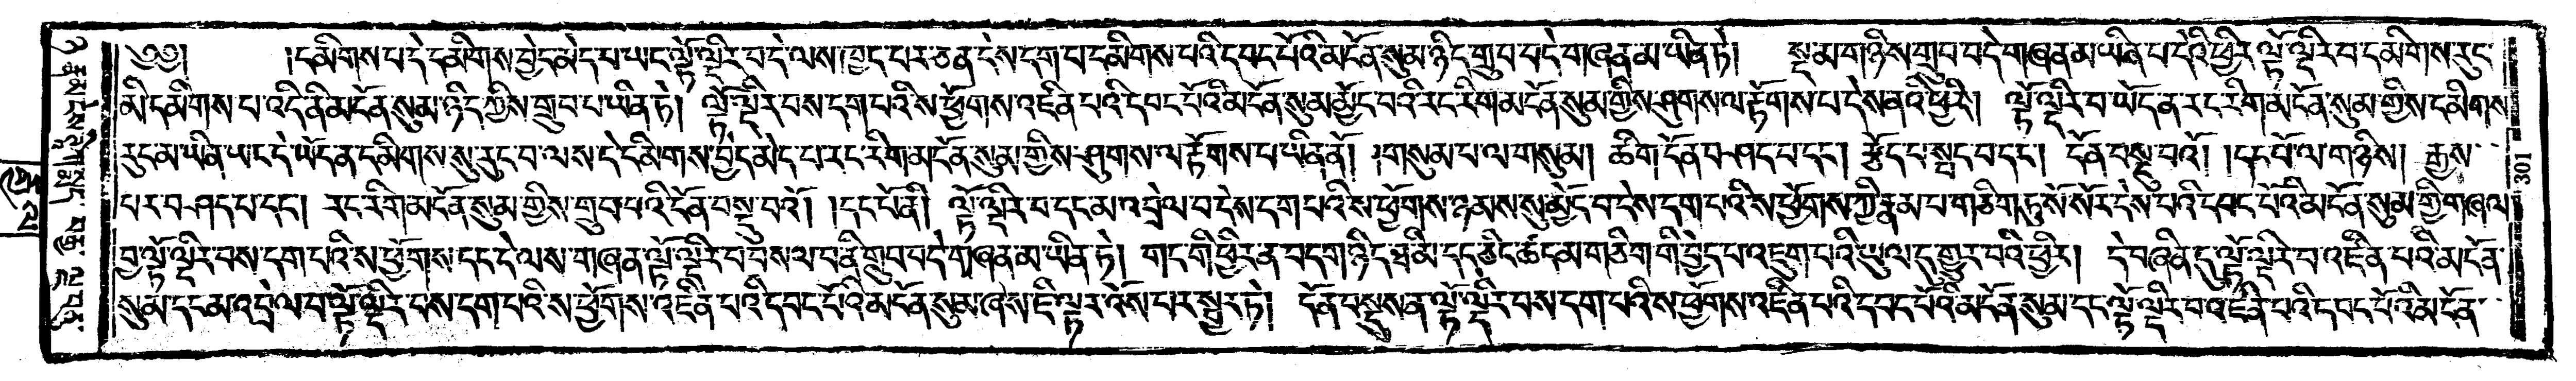༄༅། །དམིགས་པ་དེ་དམིགས་བྱེད་མེད་པ་ཡང་ལྟོ་ལྡིར་བ་དེ་ལས་ཁྱད་པར་ཅན་དེས་དག་པ་དམིགས་པའི་དབང་པོའི་མངོན་སུམ་ཉིད་གྲུབ་པ་དེ་གཞན་མ་ཡིན་ཏེ། སྔ་མ་གཉིས་གྲུབ་བདེ་གཞན་མ་ཡིན་པ་དེའི་ཕྱིར་ལྟོ་ལྡིར་བ་དམིགས་རུང་
མི་དམིགས་པ་འདི་ནི་མངོན་སུམ་ཉིད་ཀྱིས་གྲུབ་པ་ཡིན་ཏེ། ལྟོ་ལྡིར་བས་དག་པའི་ས་ཕྱོགས་འཛིན་པའི་དབང་པོའི་མངོན་སུམ་མྱོང་བའི་རང་རིག་མངོན་སུམ་གྱིས་ཤུགས་ལ་རྟོགས་པ་དེས་ནའི་ཕྱིར། ལྟོ་ལྡིར་བ་ཡོད་ན་རང་རིག་མངོན་སུམ་གྱིས་དམིགས་
རུང་མ་ཡིན་ཡང་དེ་ཡོད་ན་དམིགས་སུ་རུང་བ་ལས་དེ་དམིགས་བྱེད་མེད་པ་རང་རིག་མངོན་སུམ་གྱིས་ཤུགས་ལ་རྟོགས་པ་ཡིན་ནོ། །གསུམ་པ་ལ་གསུམ། ཚིག་དོན་བཤད་པ་དང་། རྩོད་པ་སྤང་བ་དང་། དོན་བསྡུ་བའོ། །དང་པོ་ལ་གཉིས། རྒྱས་
པར་བཤད་པ་དང་། རང་རིག་མངོན་སུམ་གྱིས་གྲུབ་པའི་དོན་བསྡུ་བའོ། །དང་པོ་ནི། ལྟོ་ལྡིར་བ་དང་མ་འབྲེལ་བ་དེས་དག་པའི་ས་ཕྱོགས་ཉམས་སུ་མྱོང་བ་དེས་དག་པའི་ས་ཕྱོགས་ཀྱི་རྣམ་པ་གཅིག་ཏུ་སོ་སོར་ངེས་པའི་དབང་པོའི་མངོན་སུམ་གྱི་གཞལ་
བྱ་ལྟོ་ལྡིར་བས་དག་པའི་ས་ཕྱོགས་དང་དེ་ལས་གཞན་ལྟོ་ལྡིར་བ་བསལ་བ་ནི་གྲུབ་བདེ་གཞན་མ་ཡིན་ཏེ། གང་གི་ཕྱིར་ན་བདག་ཉིད་ཐ་མ་དང་ཅིང་ཚད་མ་གཅིག་གི་བྱེད་པ་འཇུག་པའི་ཡུལ་དུ་གྱུར་བའི་ཕྱིར། དེ་བཞིན་དུ་ལྟོ་ལྡིར་བ་འཛིན་པའི་མངོན་
སུམ་དང་མ་འབྲེལ་བ་ལྟོ་ལྡིར་བས་དག་པའི་ས་ཕྱོགས་འཛིན་པའི་དབང་པོའི་མངོན་སུམ་ཞེས་ཇི་ལྟར་འོས་པར་སྦྱར་ཏེ། དོན་བསྡུས་ན་ལྟོ་ལྡིར་བས་དག་པའི་ས་ཕྱོགས་འཛིན་པའི་དབང་པོའི་མངོན་སུམ་དང་ལྟོ་ལྡིར་བ་འཛིན་པའི་དབང་པོའི་མངོན་